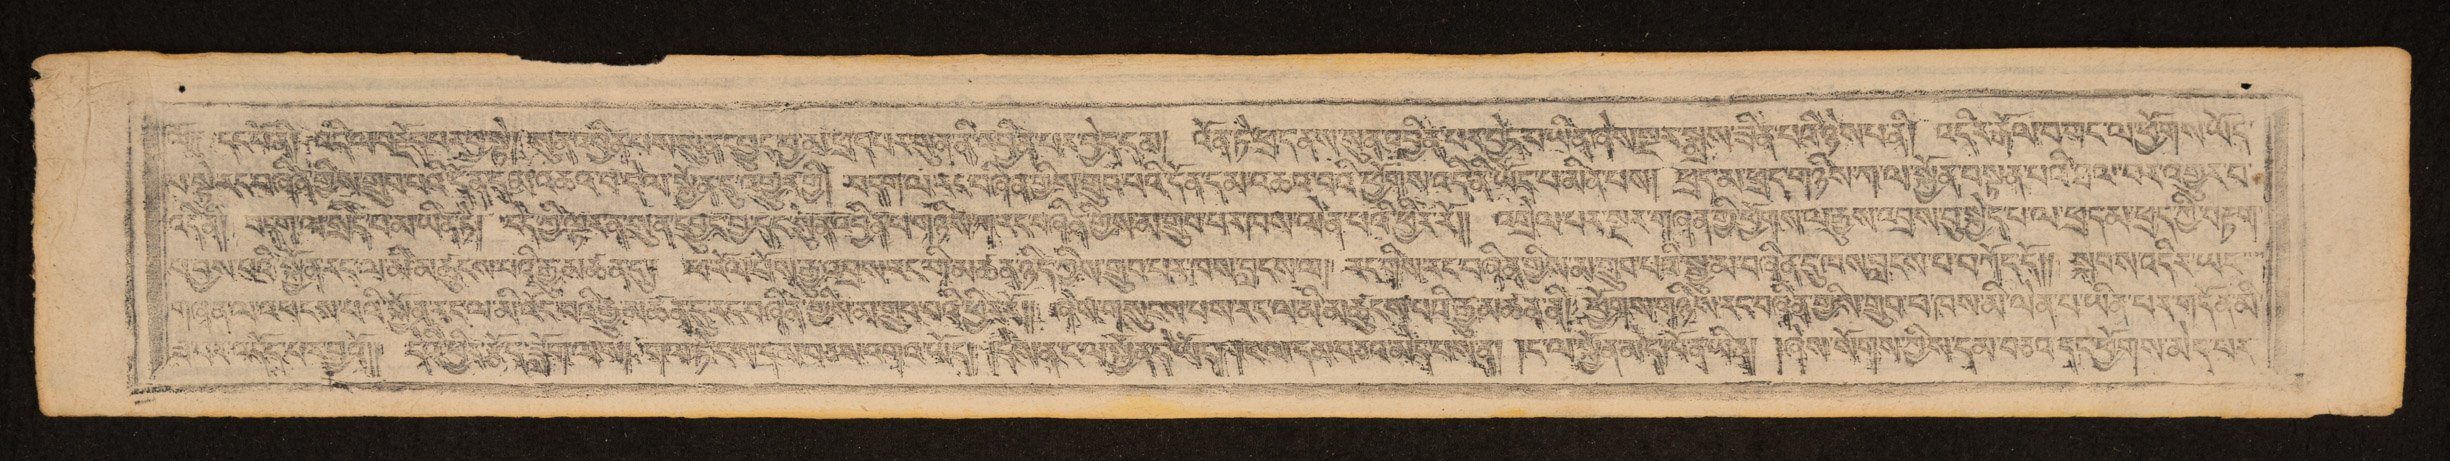ལོ༑༑ དང་པོ་ནི། འདི་ལ་བརྗོད་པར་བྱ་སྟེ། སུན་འབྱིན་པས་སུན་དབྱུང་བྱ་མ་ཕྲད་པར་སུན་ནི་འབྱིན་པར་བྱེད་དམ། འོན་ཏེ་ཕྲད་ནས་སུན་འབྱིན་པར་བྱེད་པ་ཡིན་ཞེས་སྔར་སྨྲས་ཟིན་པའི་ཉེས་པ་ནི། འདིར་རྒོལ་བ་གང་ལ་ཕྱོགས་ཡོད་
པ་སྟེ་རང་བཞིན་གྱིས་གྲུབ་པའི་དོན་དམ་འཆའ་བ་དེ་ལ་སྐྱོན་དུ་འགྱུར་གྱི། བདག་ལ་རང་བཞིན་གྱིས་གྲུབ་པའི་དོན་དམ་འཆའ་བའི་ཕྱོགས་འདི་ནི་ཡོད་པ་མིན་པས། ཕྲད་མ་ཕྲད་གཉིས་ཀ་ལ་སྐྱོན་བསྟན་པའི་ཐལ་བར་འགྱུར་བ་
འདི་ནི། བདག་ལ་སྲིད་པ་མ་ཡིན་ཏེ། ངེད་ཀྱི་ལྟར་ན་སུན་འབྱུང་བྱ་དང་སུན་འབྱིན་པ་གཉིས་ཀ་རང་བཞིན་གྱིས་མ་གྲུབ་པར་ཁས་ལེན་པའི་ཕྱིར་རོ།། འགྲེལ་པར་སྔར་གཞན་གྱི་ཕྱོགས་ལ་རྒྱུས་འབྲས་བུ་སྐྱེད་པ་ལ་ཕྲད་མ་ཕྲད་ཀྱི་བརྟག་
པ་བྱས་པའི་སྐྱོན་རང་ལ་མི་མཚུངས་པའི་རྒྱུ་མཚན་དུ། ཕ་རོལ་པོས་རྒྱུ་འབྲས་རང་གི་མཚན་ཉིད་ཀྱིས་གྲུབ་པར་ཁས་བླངས་ལ། རང་གིས་རང་བཞིན་གྱིས་མ་གྲུབ་པའི་སྒྱུ་མ་བཞིན་དུ་ཁས་བླངས་པ་བཀོད་དོ།། སྐབས་འདིར་ཡང་
གཞན་ལ་འཕངས་པའི་སྐྱོན་རང་ལ་མི་འོང་བའི་རྒྱུ་མཚན་དུ་རང་བཞིན་གྱིས་མ་གྲུབ་པའི་ཕྱིར་རོ།། ཞེས་གསུངས་པས་རང་ལ་མི་མཚུངས་པའི་རྒྱུ་མཚན་ནི། ཕྱོགས་གཉིས་རང་བཞིན་གྱིས་གྲུབ་པ་ཁས་མི་ལེན་པ་ཡིན་པར་གདོན་མི་
ཟ་བར་འདོད་པར་བྱའོ།། དེའི་ཕྱིར་རྩོད་ཟློག་ལས། གལ་ཏེ་ངས་དམ་བཅས་འགའ་ཡོད། །དེས་ན་ང་ལ་སྐྱོན་དེ་ཡོད། །ང་ལ་དམ་བཅའ་མེད་པས་ན། །ང་ལ་སྐྱོན་མེད་ཁོ་ན་ཡིན། །ཞེས་སོགས་ཀྱིས་དམ་བཅའ་དང་ཕྱོགས་མེད་པར་